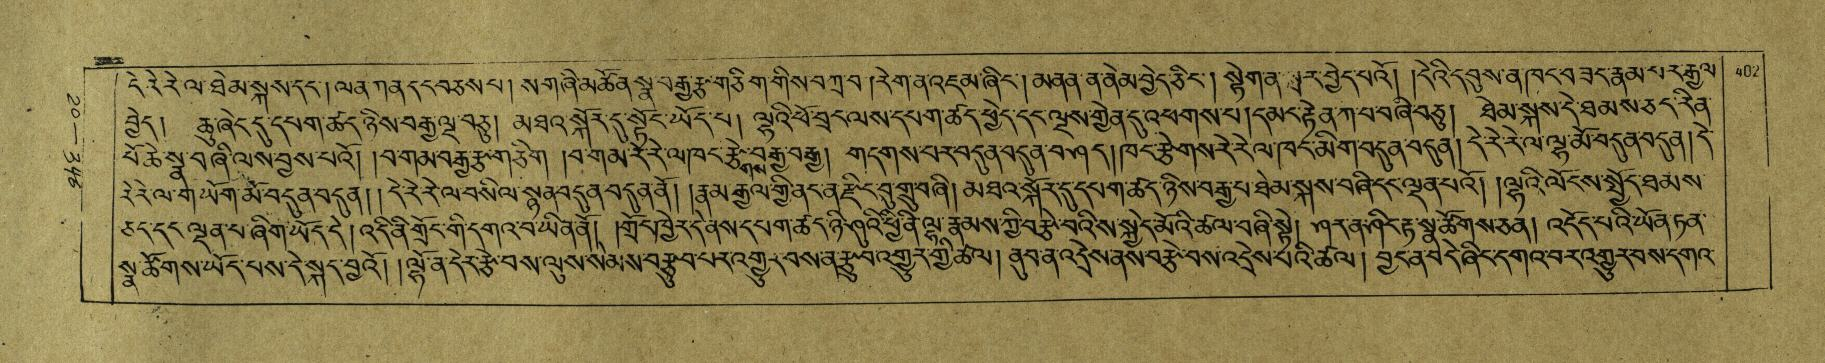དེ་རེ་རེ་ལ་ཐེམ་སྐས་དང་། ལན་ཀན་དང་བཅས་པ། ས་གཞི་མཚོན་སྣ་བརྒྱ་རྩ་གཅིག་གིས་བཀྲ་བ་།རེག་ན་འཇམ་ཞིང་། མནན་ན་ནེམ་བྱེད་ཅིང་། སྟེག་ན་སྤར་བྱེད་པའོ། །དེའི་དབུས་ན་ཁང་བཟང་རྣམ་པར་རྒྱལ་
བྱེད། ཆུ་ཞེང་དུ་དཔག་ཚད་ཉིས་བརྒྱ་ལྔ་བཅུ། མཐའ་སྐོར་དུ་སྟོང་ཡོད་པ། ལྷའི་ཕོ་བྲང་ལས་དཔག་ཚད་ཕྱེད་དང་ལྔས་གྱེན་དུ་འཕགས་པ། དམང་རྟེན་ཀ་བ་བཞི་བཅུ། ཐེམ་སྐས་དེ་ཐམས་ཅད་རིན་
པོ་ཆེ་སྣ་བཞི་ལས་བྱས་པའོ། །བ་གམ་བརྒྱ་རྩ་གཅིག །བ་གམ་རེ་རེ་ལ་ཁང་རྩེགས་བརྒྱ་བརྒྱ། གདགས་པར་བདུན་བདུན་བཤད། ཁང་རྩེགས་རེ་རེ་ལ་ཁང་མིག་བདུན་བདུན། དེ་རེ་རེ་ལ་ལྷ་མོ་བདུན་བདུན། དེ་
རེ་རེ་ལ་གཡོག་མོ་བདུན་བདུན། །དེ་རེ་རེ་ལ་བསིལ་སྙན་བདུན་བདུན་ནོ། །རྣམ་རྒྱལ་གྱི་ནང་ན་རྫིང་བུ་གྲུ་བཞི། མཐའ་སྐོར་དུ་དཔག་ཚད་ཉིས་བརྒྱ་པ་ཐེམ་སྐས་བཞི་དང་ལྡན་པའོ། །ལྷའི་ལོངས་སྤྱོད་ཐམས་
ཅད་དང་ལྡན་པ་ཞིག་ཡོད་དེ། འདི་ནི་གྲོང་གི་དགའ་བ་ཡིན་ནོ། །གྲོང་ཁྱེར་དེ་ནས་དཔག་ཚད་ཉི་ཤུའི་ཕྱི་ནི་ལྷ་རྣམས་ཀྱི་བརྩེ་བའི་ས་སྐྱེད་མོའི་ཚལ་བཞི་སྟེ། ཤར་ན་ཤིང་རྟ་སྣ་ཚོགས་ཅན། འདོད་པའི་ཡོན་ཏན་
སྣ་ཚོགས་ཡོད་པས་དེ་སྐད་བྱའོ། །ལྷོ་ན་དེར་རྩེ་བས་ལུས་སེམས་བརྩུབ་པར་འགྱུར་བས་ན་རྩུབ་འགྱུར་གྱི་ཚལ། ནུབ་ན་འདྲེས་ནས་བརྩེ་བས་འདྲེས་པའི་ཚལ། བྱང་ན་བདེ་ཞིང་དགའ་བར་འགྱུར་བས་དགའ་